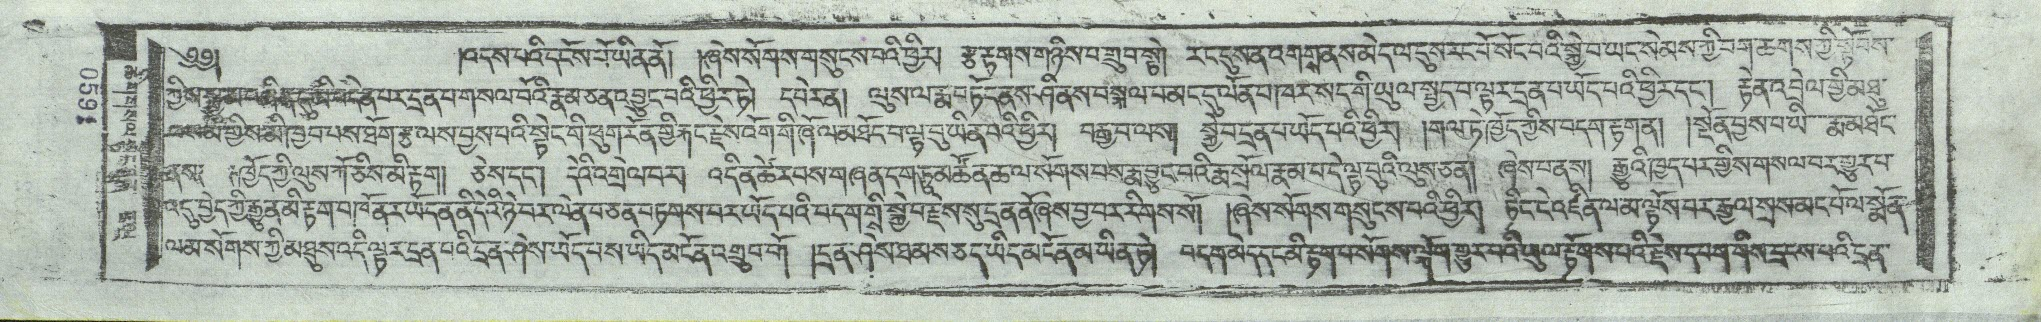༄༅། །འདས་པའི་དངོས་པོ་ཡིན་ནོ། །ཞེས་སོགས་གསུངས་པའི་ཕྱིར། རྩ་རྟགས་གཉིས་པ་གྲུབ་སྟེ། རང་དུས་ན་འགགས་ནས་མེད་ལ་དུས་རང་པོ་སོང་བའི་སྐྱེ་བ་ཡང་སེམས་ཀྱི་བག་ཆགས་ཀྱི་སྟོབས་
ཀྱིས་སྒྱུ་མ་བཞིན་དུ་མི་བདེན་པར་དྲན་པ་གསལ་བོའི་རྣམ་ཅན་འབྱུང་བའི་ཕྱིར་ཏེ། དཔེར་ན། ལུས་ལ་རྨ་བཏོད་ནས་ཤི་ནས་བསྐལ་པ་མང་དུ་ལོན་པ་ཁར་སང་གི་ཡུལ་སྤྱད་པ་ལྟར་དྲན་པ་ཡོད་པའི་ཕྱིར་དང་། རྟེན་འབྲེལ་གྱི་མཐུ་
བསམ་གྱིས་མི་ཁྱབ་པས་ཐོག་རྩ་ལས་བྱས་པའི་སྟེང་གི་ཕུག་རོན་གྱི་རྐང་རྗེས་འོག་གི་ཞོ་ལ་མཐོང་བ་ལྟ་བུ་ཡིན་པའི་ཕྱིར། བརྒྱ་བ་ལས། སྐྱེ་བ་དྲན་པ་ཡོད་པའི་ཕྱིར། །གལ་ཏེ་ཁྱོད་ཀྱིས་བདག་རྟག་ན། །སྔོན་བྱས་པ་ཡི་རྨ་མཐོང་
ནས༑ ༑ཁྱོད་ཀྱི་ལུས་ཀོ་ཅིས་མི་རྟག། ཅེས་དང་། དེའི་འགྲེལ་བར། འདི་ན་ཚེ་རབས་གཞན་དག་ཏུ་མཚོན་ཆ་ལ་སོགས་པས་རྨ་བྱུང་བའི་རྨ་སྲོལ་རྣམ་པ་དེ་ལྟ་བུའི་ལུས་ཅན། ཞེས་པ་ནས། རྒྱུའི་ཁྱད་པར་གྱིས་གསལ་བར་གྱུར་པ་
འདུ་བྱེད་ཀྱི་རྒྱུ་ན་མི་རྟག་པ་ཁོ་ནར་ཡོད་ན་ནི་དེའི་ཉེ་བར་ལེན་པ་ཅན་བཏགས་བར་ཡོད་པའི་བདག་གིས་སྐྱེ་བ་རྗེས་སུ་དྲན་ནོ་ཞེས་བྱ་བར་རིགས་སོ། །ཞེས་སོགས་གསུངས་པའི་ཕྱིར། ཏིང་ངེ་འཛིན་ལ་མ་ལྟོས་པར་རྒྱལ་སྲས་མང་པོ་ལ་སྨོན་
ལམ་སོགས་ཀྱི་མཐུས་འདི་ལྟར་དྲན་པའི་དྲན་ཤེས་ཡོད་པས་ཡིད་མངོན་འགྲུབ་བོ། །དྲན་ཤེས་ཐམས་ཅད་ཡིད་མངོན་མ་ཡིན་ཏེ། བདག་མེད་དང་མི་རྟག་པ་སོགས་ལྐོག་གྱུར་པའི་ཡུལ་རྟོགས་པའི་རྗེས་དཔག་གིས་དྲངས་པའི་དྲན་